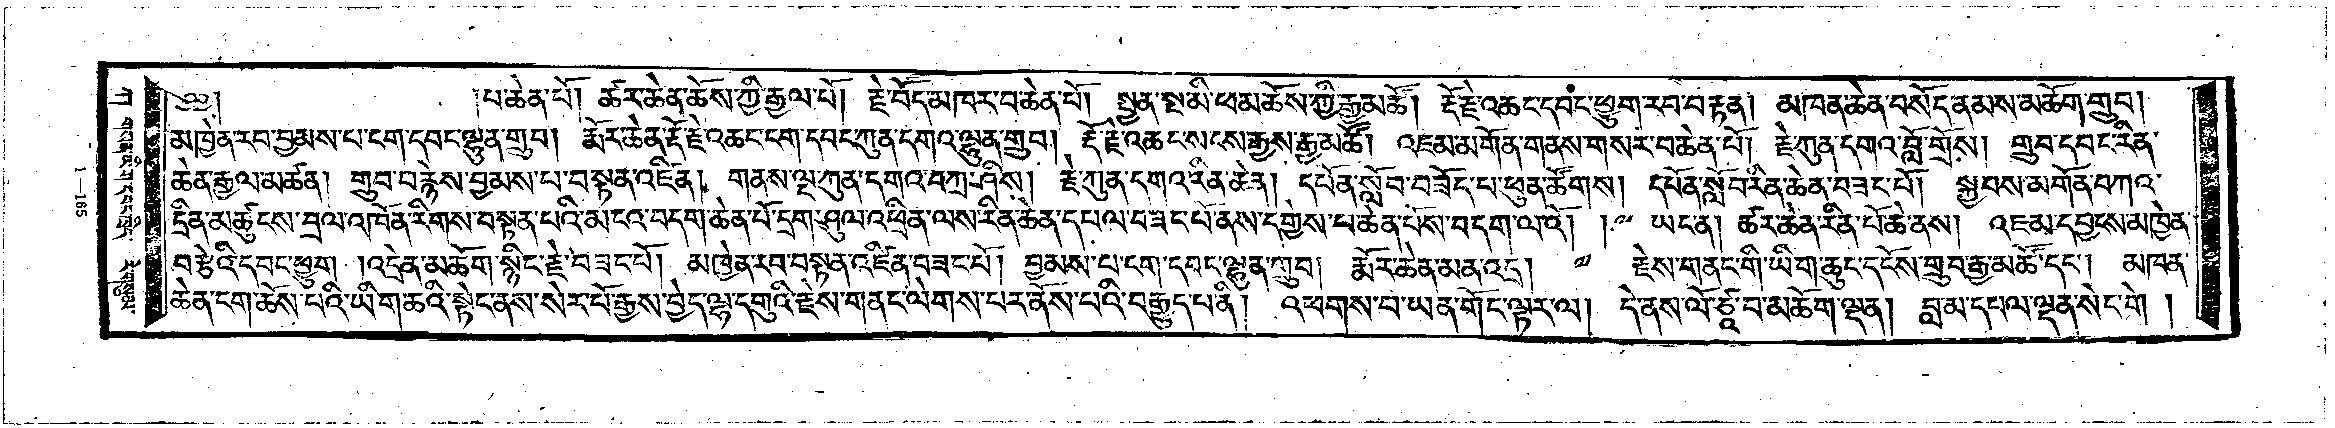༄༅། །པ་ཆེན་པོ། ཚར་ཆེན་ཆོས་ཀྱི་རྒྱལ་པོ། །རྗེ་བོད་མཁར་བ་ཆེན་པོ། སྤྱན་སྔ་མི་ཕམ་ཆོས་ཀྱི་རྒྱ་མཚོ། རྡོ་རྗེ་འཆང་དབང་ཕྱུག་རབ་བརྟན། མཁན་ཆེན་བསོད་ནམས་མཆོག་གྲུབ།
མཁྱེན་རབ་བྱམས་པ་ངག་དབང་ལྷུན་གྲུབ། རྨོར་ཆེན་རྡོ་རྗེ་འཆང་ངག་དབང་ཀུན་དགའ་ལྷུན་གྲུབ། རྡོ་རྗེ་འཆང་སངས་རྒྱས་རྒྱ་མཚོ། འཇམ་མགོན་གནས་གསར་བ་ཆེན་པོ། རྗེ་ཀུན་དགའ་བློ་གྲོས། གྲུབ་དབང་རིན་
ཆེན་རྒྱལ་མཚན། གྲུབ་བརྙེས་བྱམས་པ་བསྟན་འཛིན། གནས་ལྔ་ཀུན་དགའ་བཀྲ་ཤིས། རྗེ་ཀུན་དགའ་རིན་ཆེན། དཔོན་སློབ་བཟོད་པ་ཕུན་ཚོགས། དཔོན་སློབ་རིན་ཆེན་བཟང་པོ། སྐྱབས་མགོན་བཀའ་
དྲིན་མཚུངས་བྲལ་འཁོན་རིགས་བསྟན་པའི་མངའ་བདག་ཆེན་པོ་དྲག་ཤུལ་འཕྲིན་ལས་རིན་ཆེན་དཔལ་བཟང་པོ་ནས་དགྱེས་པ་ཆེན་པོས་བདག་ལའོ། ། ༧་ཡང་ན། ཚར་ཆེན་རིན་པོ་ཆེ་ནས། འཇམ་དབྱངས་མཁྱེན་
བརྩེའི་དབང་ཕྱུག །འདྲེན་མཆོག་སྙིང་རྗེ་བཟང་པོ། མཁྱེན་རབ་བསྟན་འཛིན་བཟང་པོ། བྱམས་པ་ངག་དབང་ལྷུན་གྲུབ། རྨོར་ཆེན་མན་འདྲ། ༧་རྗེས་གནང་གི་ཡིག་ཆུང་དངོས་གྲུབ་རྒྱ་མཚོ་དང་། མཁན་
ཆེན་ངག་ཆོས་པའི་ཡིག་ཆའི་སྟེང་ནས་སེར་པོ་རྒྱས་བྱེད་ལྷ་དགུའི་རྗེས་གནང་ལེགས་པར་ནོས་པའི་བརྒྱུད་པ་ནི། འཕགས་པ་ཡན་གོང་ལྟར་ལ། དེ་ནས་ལོ་ཙཱ་བ་མཆོག་ལྡན། བླ་མ་དཔལ་ལྡན་སེང་གེ།